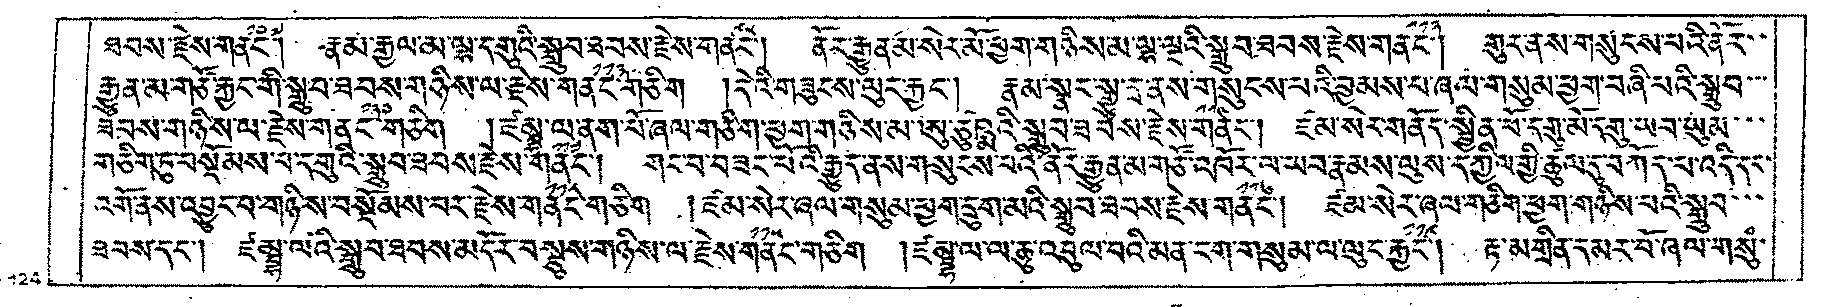ཐབས་རྗེས་གནང ༡༠༧། རྣམ་རྒྱལ་མ་ལྷ་དགུའི་སྒྲུབ་ཐབས་རྗེས་གནང ༩༥། ནོར་རྒྱུན་མ་སེར་མོ་ཕྱག་གཉིས་མ་ལྷ་ལྔའི་སྒྲུབ་ཐབས་རྗེས་གནང ༡༡༢། གུར་ནས་གསུངས་པའི་ནོར་
རྒྱུན་མ་གཙོ་རྐྱང་གི་སྒྲུབ་ཐབས་གཉིས་ལ་རྗེས་གནང ༡༡༣་གཅིག །དེའི་གཟུངས་ལུང་རྐྱང་། རྣམ་སྣང་སྒྱུ་དྲ་ནས་གསུངས་པའི་བྱམས་པ་ཞལ་གསུམ་ཕྱག་བཞི་པའི་སྒྲུབ་
ཐབས་གཉིས་ལ་རྗེས་གནང ༡༢༠་གཅིག །ཛམྦྷ་ལ་ནག་པོ་ཞལ་གཅིག་ཕྱག་གཉིས་མ་ཨུ་ཙུཥྨའི་སྒྲུབ་ཐབས་རྗེས་གནང ༡༡༤། ཛམ་སེར་གནོད་སྦྱིན་ཕོ་དགུ་མོ་དགུ་ཡབ་ཡུམ་
གཅིག་ཏུ་བསྡོམས་པ་དགུའི་སྒྲུབ་ཐབས་རྗེས་གནང ༡༡༧། གང་བ་བཟང་པོའི་རྒྱུད་ནས་གསུངས་པའི་ནོར་རྒྱུན་མ་གཙོ་འཁོར་ལ་ཡབ་རྣམས་ལུས་དཀྱིལ་གྱི་ཚུལ་དུ་བཀོད་པ་འདི་དང་
འགོ་ནས་འབྱུང་བ་གཉིས་བསྡོམས་པར་རྗེས་གནང ༡༡༨་གཅིག །ཛམ་སེར་ཞལ་གསུམ་ཕྱག་དྲུག་མའི་སྒྲུབ་ཐབས་རྗེས་གནང ༡༡༦། ཛམ་སེར་ཞལ་གཅིག་ཕྱག་གཉིས་པའི་སྒྲུབ་
ཐབས་དང་། ཛམྦྷ་ལའི་སྒྲུབ་ཐབས་མདོར་བསྡུས་གཉིས་ལ་རྗེས་གནང ༡༡༥་གཅིག །ཛམྦྷ་ལ་ལ་ཆུ་འབུལ་བའི་མན་ངག་གསུམ་ལ་ལུང་རྐྱང ༡༡༩། རྟ་མགྲིན་དམར་པོ་ཞལ་གསུཾ་